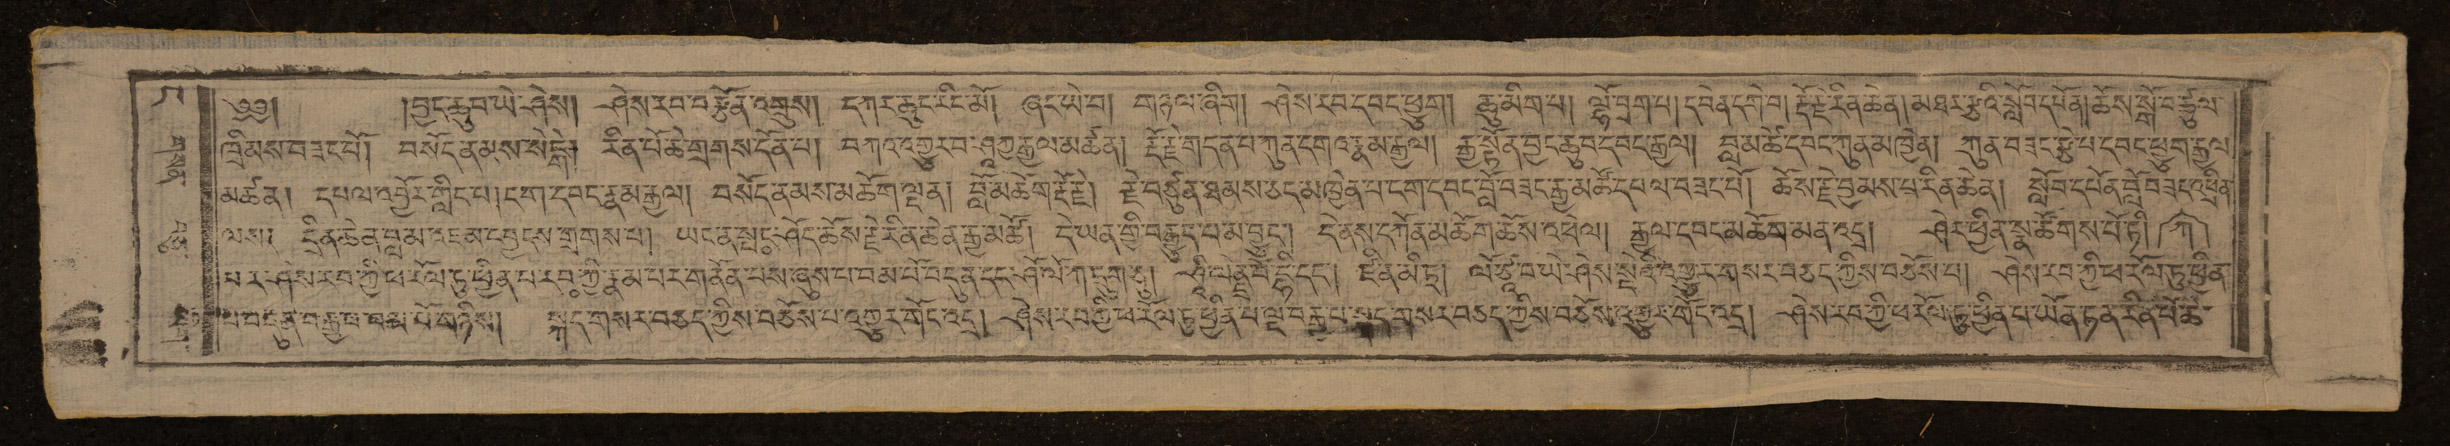༄༅། །བྱང་ཆུབ་ཡེ་ཤེས། ཤེས་རབ་བརྩོན་འགྲུས། དཀར་ཆུང་རིང་མོ། ཞང་ཡེ་བ། གཉལ་ཞིག། ཤེས་རབ་དབང་ཕྱུག། ཆུ་མིག་པ། ལྷོ་བྲག་པ། དབེན་དགེ་བ། རྡོ་རྗེ་རིན་ཆེན། མཐར་རྩའི་སློབ་དཔོན། ཆོས་སྒོ་བ་ཚུལ་
ཁྲིམས་བཟང་པོ། བསོད་ནམས་སེངྒེ། རིན་པོ་ཆེ་གྲགས་དོན་པ། བཀའ་འགྱུར་བ་ཤཱཀྱ་རྒྱལ་མཚན། རྡོ་རྗེ་གདན་པ་ཀུན་དགའ་རྣམ་རྒྱལ། རྒྱ་སྟོན་བྱང་ཆུབ་དབང་རྒྱལ། བླ་མ་ཚེ་དབང་ཀུན་མཁྱེན། ཀུན་བཟང་རྩེ་པ་དབང་ཕྱུག་རྒྱལ་
མཚན། དཔལ་འབྱོར་གླིང་པ། ངག་དབང་རྣམ་རྒྱལ། བསོད་ནམས་མཆོག་ལྡན། བློ་མཆོག་རྡོ་རྗེ། རྗེ་བཙུན་ཐམས་ཅད་མཁྱེན་པ་ངག་དབང་བློ་བཟང་རྒྱ་མཚོ་དཔལ་བཟང་པོ། ཆོས་རྗེ་བྱམས་པ་རིན་ཆེན། སློབ་དཔོན་བློ་བཟང་འཕྲིན་
ལས༑ དྲིན་ཆེན་བླ་མ་འཇམ་དབྱངས་གྲགས་པ། ཡང་ན་སྤང་ཤོད་ཆོས་རྗེ་རིན་ཆེན་རྒྱ་མཚོ། དེ་ཡན་གྱི་བརྒྱུད་པ་མ་བྱུང་། དེ་ནས་དཀོན་མཆོག་ཆོས་འཕེལ། རྒྱལ་དབང་མཆོག་མན་འདྲ། ཤེར་ཕྱིན་སྣ་ཚོགས་པོ་ཏི། {ཀ}
པར་ཤེས་རབ་ཀྱི་ཕ་རོལ་ཏུ་ཕྱིན་པ་རབ་ཀྱི་རྣམ་པར་གནོན་པས་ཞུས་པ་བམ་བོ་བདུན་དང་ཤོ་ལོ་ཀ་དྲུག་ཅུ། ཤཱི་ལེནྡྲ་བོ་དྷི་དང་། ཛི་ན་མི་ཏྲ། ལོ་ཙཱ་བ་ཡེ་ཤེས་སྡེའི་འགྱུར་གསར་བཅད་ཀྱིས་བཅོས་པ། ཤེས་རབ་ཀྱི་ཕ་རོལ་ཏུ་ཕྱིན་
བ་བདུན་བརྒྱབ་བམ་པོ་གཉིས། སྐད་གསར་བཅད་ཀྱིས་བཅོས་པ་འགྱུར་གོང་འདྲ། ཤེས་རབ་ཀྱི་ཕ་རོལ་ཏུ་ཕྱིན་པ་ལྔ་བརྒྱ་པ་སྐད་གསར་བཅད་ཀྱིས་བཅོས་འགྱུར་གོང་འདྲ། ཤེས་རབ་ཀྱི་ཕ་རོལ་ཏུ་ཕྱིན་པ་ཡོན་ཏན་རིན་པོ་ཆེ་